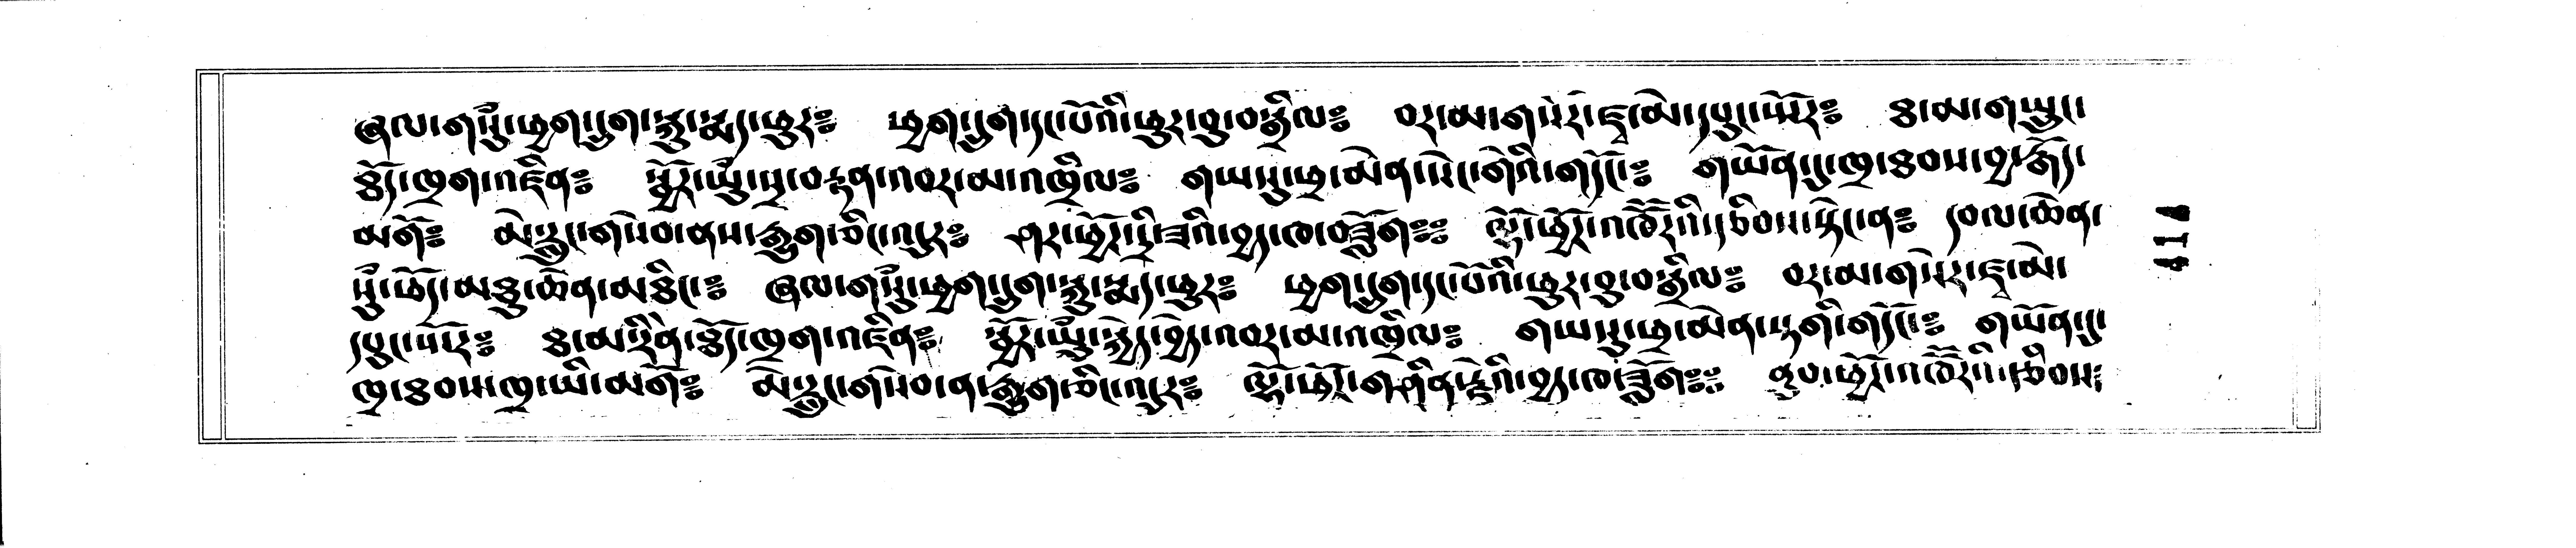ཞལ་གསུམ་ཕྱག་དྲུག་སྐུ་སྨད་ཕུར༔ཕྱག་དྲུག་དང་པོའི་ཕུར་བུ་བསྒྲིལ༔བར་མ་གསེར་ཛྭ་མེ་དཔུང་སྤོར༔ཐ་མ་གཡུང་དྲུང་
ཐོད་ཁྲག་འཛིན༔སྦྱོར་ཡུམ་སྲ་བརྟན་འབར་མ་འཁྲིལ༔གཡས་སུ་ཕྲ་མེན་སེང་གེའི་གདོང༔གཡོན་དུ་ཁྲ་ཐབས་བྱ་རྒོད་
མགོ༔མེ་རླུང་གསེབ་ནས་རྒྱུག་ཅིང་འདུར༔ཤར་ཕྱོགས་དྲི་ཟའི་བྱད་ཁ་བཟློག༔༔ལྷོ་ཕྱོགས་འཁོར་ལོའི་རྩིབས་སྟེང་ན༔དབལ་ཆེན་
སུམ་ཕོད་མཐུ་ཆེན་མཐིང་༔ཞལ་གསུམ་ཕྱག་དྲུག་སྐུ་སྨད་ཕུར༔ཕྱག་དྲུག་དང་པོའི་ཕུར་བུ་བསྒྲིལ༔བར་མ་གསེར་ཛྭ་མེ་
དཔུང་སྤོར༔ཐ་མ་རིན་ཆེན་ཐོད་ཁྲག་འཛིན༔སྦྱོར་ཡུམ་སྐྱེད་བྱེད་འབར་མ་འཁྲིལ༔གཡས་སུ་ཕྲ་མེན་སྟག་གི་གདོང་༔གཡོན་དུ་
ཁྲ་ཐབས་ཁྲ་ཡི་མགོ༔མེ་རླུང་གསེབ་ན་རྒྱུག་ཅིང་འདུར༔ལྷོ་ཕྱོགས་གཤིན་རྗེའི་བྱད་ཁ་ཟློག༔༔ནུབ་ཕྱོགས་འཁོར་ལོའི་རྩིབས་སྟེང་ནཿ